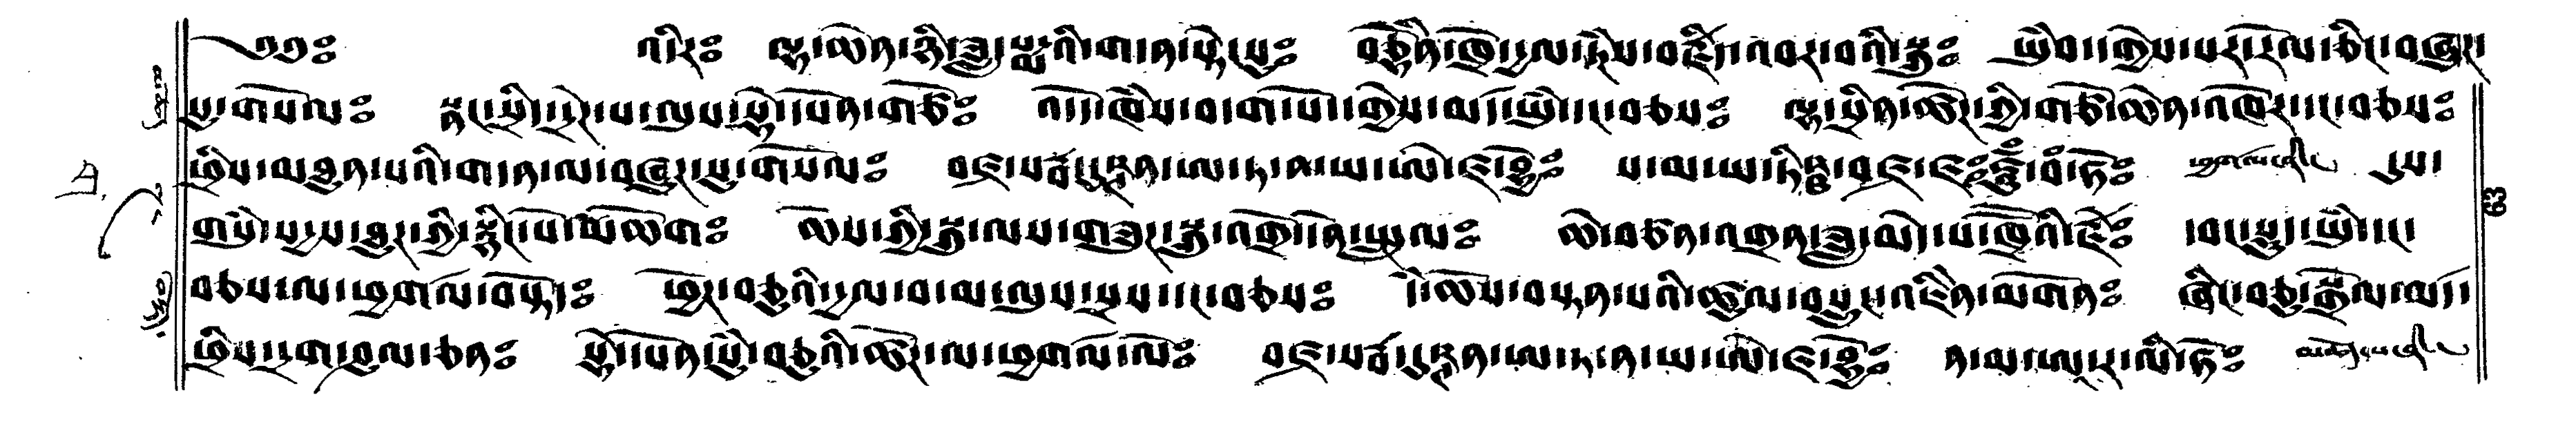འདིརཿ ལྷ་ཆེན་ཉི་ཟླ་པདྨའི་གདན་སྟེང་དུཿབཅོམ་ལྡན་ཁྲོ་རྒྱལ་རྔམ་བརྗིད་འབར་བའི་སྐུཿ ཡབ་ཡུམ་དགྱེས་པར་རོལ་ཅིང་བཞུགས་
སུ་གསོལཿ སྣང་སྲིད་དྲེགས་པ་མ་ལུས་སྡེ་དཔོན་གཙོཿ འདོད་ཁམས་བདག་པོ་དགྱེས་མཛད་ཡུམ་དང་བཅསཿ ལྷ་སྲིན་ཚོགས་ཀྱི་གཙོ་ཆེན་འཁོར་དང་བཅསཿ
 ཕྲིན་ལས་མཐུན་པའི་གདན་ལ་བཞུགས་སུ་གསོལཿ བཛྲ་སརྦ་དུཎྚན་ཨ་ཏ་ན་ཡ་ཨེ་ཛ་བྷྱོཿ ས་མ་ཡ་ཏིཎྛ་བཛྲ་ཛ༔ཧཱུྃ་བཾ་ཧོཿ ཕྱག་འཚལ་ནི། དུས་
གསུམ་སངས་རྒྱས་ཐུགས་ཀྱི་སྙིང་པོ་མཆོགཿ ཆོས་ཀྱི་སྐུ་ལས་གཟུགས་སྐུ་འགྲོ་དོན་སྤྲུལཿ ཆེ་བཙན་འགྲན་ཟླ་མེད་པ་ཁྲོ་བོའི་རྗེཿ དབང་སྡུད་ཡུམ་དང་
བཅས་ལ་ཕྱག་འཚལ་བསྟོདཿ ཕྱོགས་བཅུའི་རྒྱལ་བ་མ་ལུས་སྲས་དང་བཅསཿ དམ་ཆོས་བསྟན་པའི་ཆོས་བསྲུང་འཇིག་རྟེན་མགོནཿ ཞིང་བཅུ་སྒྲོལ་མཛད་
ཕྲིན་ལས་དྲག་ཤུལ་ཅནཿ སྡེ་དཔོན་སུམ་ཅུའི་ཚོགས་ལ་ཕྱག་འཚལ་ལོཿ བཛྲ་སརྦ་དུཥྚན་ཨ་ཏ་ན་ཡ་ཨེ་ཛ་བྷྱོཿ ན་མ་ཨཱ་ར་ལི་ཧོཿ མཆོད་པ་ནི།